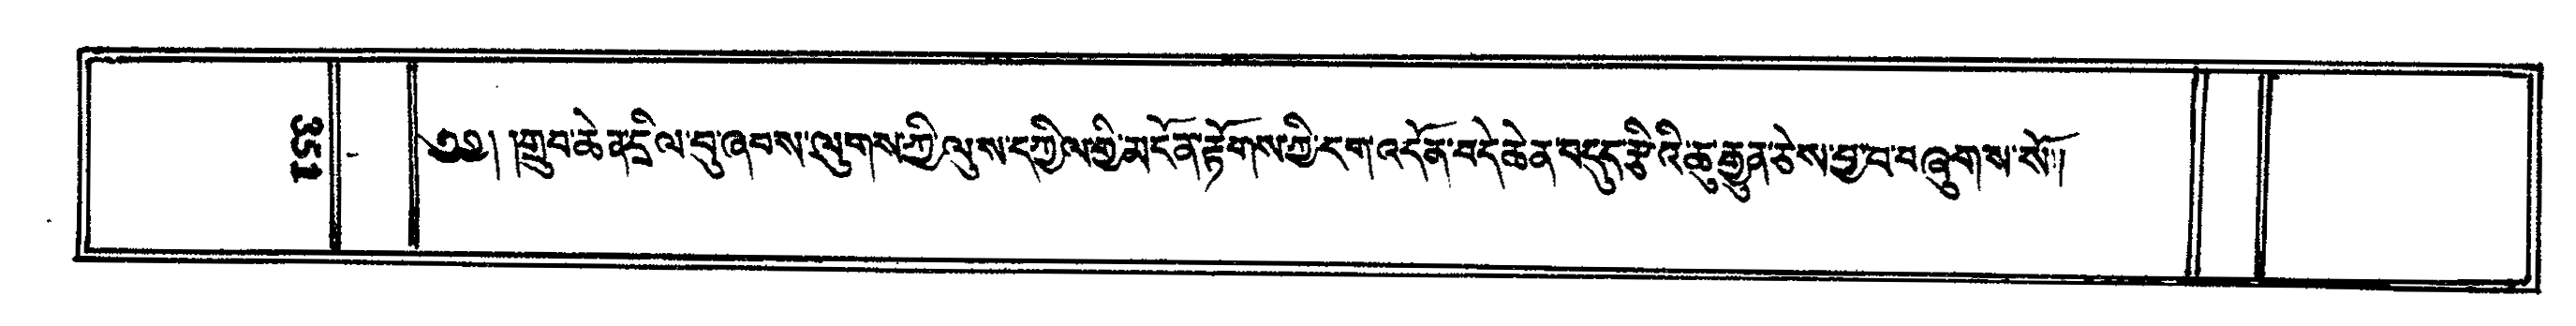༄༅། །གྲུབ་ཆེན་དྲིལ་བུ་ཞབས་ལུགས་ཀྱི་ལུས་དཀྱིལ་གྱི་མངོན་རྟོགས་ཀྱི་ངག་འདོན་བདེ་ཆེན་བདུད་རྩིའི་ཆུ་རྒྱུན་ཅེས་བྱ་བ་བཞུགས་སོ།།